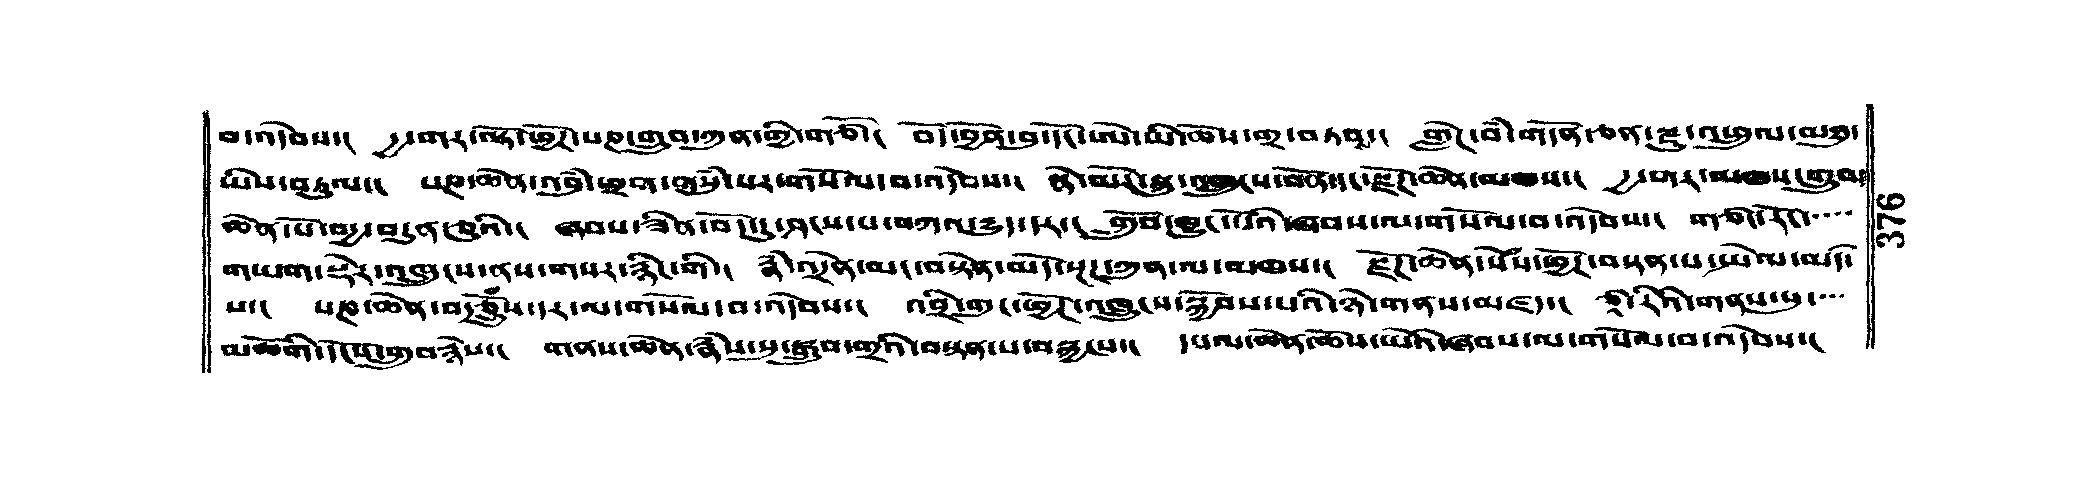བ་འདེབས། །རྒྱ་གར་ལྷོ་ཕྱོགས་པཎ་གྲུབ་ཀུན་གྱི་གཙོ། །བོད་བྱོན་བོ་དོང་ཨེ་ཡི་ཆོས་གྲྭ་བཏབས། །གླེགས་བམ་གདོན་ཅན་རྫུ་འཕྲུལ་མཐུ་
ཡིས་བཏུལ། །པཎ་ཆེན་འབུམ་ཕྲག་གསུམ་པར་གསོལ་བ་འདེབས། །ཉེ་མོར་སྐུ་འཁྲུངས་བོན་དང་རྫོགས་ཆེན་མཁས། །རྒྱ་གར་མཁས་གྲུབ་
ཆེན་པོ་བརྒྱ་བདུན་ཅུའི། །ཞབས་ཟིན་བོད་དུ་ཤངས་པ་བཀའ་རྒྱུད་དར། །གྲུབ་ཐོབ་ཁྱུང་པོའི་ཞབས་ལ་གསོལ་བ་འདེབས། །གཙང་རོང་
གཡག་སྡེར་འཁྲུངས་ནས་གསར་རྙིང་གི།རྣམ་འདྲེན་མང་བསྟེན་མདོ་སྔགས་ཀུན་ལ་མཁས། །རྫོགས་ཆེན་སེམས་ཕྱོགས་བསྟན་པ་སྤེལ་མཛད་
པ། །པཎ་ཆེན་བརྩོན་གྲུས་དར་ལ་གསོལ་བ་འདེབས། །འབྲི་གུང་ཕྱོགས་འཁྲུངས་སྐྱོབ་པའི་ཉེ་གནས་མཛད། །ཙཱ་རིའི་གནས་སུ་
མཆོག་གི་དངོས་གྲུབ་བརྙེས། །གནས་ཆེན་རྣམས་སུ་སྒྲུབ་གྲྭའི་བསྟན་པ་བསྐྱངས། །དཔལ་ཆེན་ཆོས་ཡེའི་ཞབས་ལ་གསོལ་བ་འདེབས།